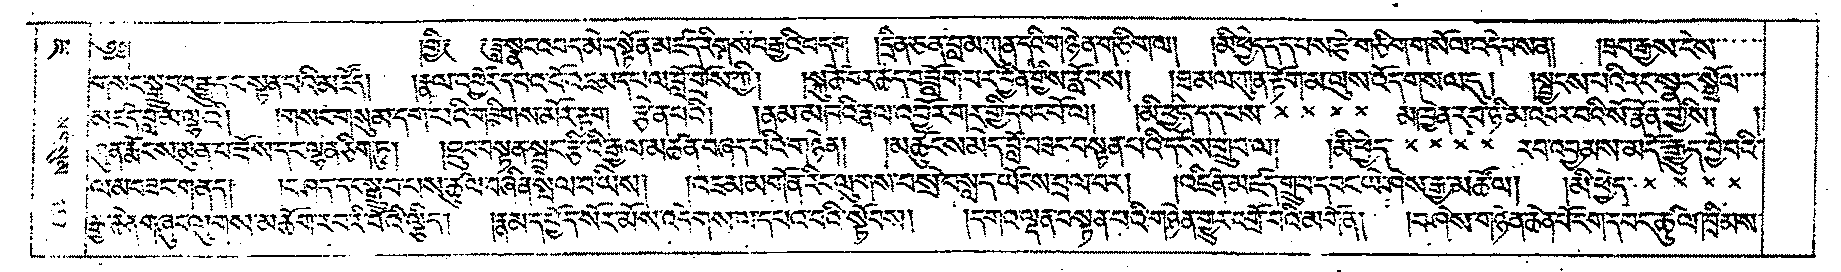༄༅། །གྱི༑ ༑ཟླ་སྣང་འབད་མེད་སྟོན་མཛད་རིགས་བརྒྱའི་བདག །དྲིན་ཅན་བླ་མ་ཀུན་དའི་གཉེན་གཅིག་ལ། །མི་ཕྱེད་དད་པས་རྩེ་གཅིག་གསོལ་འདེབས་ན། །ཟབ་རྒྱས་ངེས་
གསང་སྒྲུབ་བརྒྱུད་བསྟན་པའི་མཛོད། །རྣལ་འབྱོར་དཔའ་བོ་འཇམ་དཔལ་བློ་གྲོས་ཀྱི། །སྐུ་ཚེ་བར་ཆད་བཟློག་པར་བྱིན་གྱིས་རློབས། །ཐ་མལ་ཀུན་རྟོག་མ་ལུས་འོད་གསལ་དུ། །སྦྱངས་པའི་རང་སྣང་སྒྲོལ་
མཛད་བླ་མ་ལྷའི། །གསང་གསུམ་དག་པའི་གཟིགས་མོར་རྟག་རྩེན་པའི། །ནམ་མཁའི་རྣལ་འབྱོར་གར་གྱི་དབང་པོ་ལ། །མི་ཕྱེད་དད་པས་྾་྾་྾་྾་མཁྱེན་རབ་ཉི་མ་འབར་བའི་སོ་རྣོན་གྱིས། །
ཀུན་རྨོངས་མུན་པ་ཟོས་དང་ལྷན་ཅིག་ཏུ། །ཐུབ་བསྟན་སྦྲང་རྩིའི་རྒྱལ་མཚན་བཞད་པའི་གཉེན། །མཚུངས་མེད་བློ་བཟང་བསྟན་པའི་དངོས་གྲུབ་ལ། །མི་ཕྱེད་྾་྾་྾་྾་རབ་འབྱམས་མདོ་རྒྱུད་བྱེ་བའི་
ལམ་བཟང་གནད། །བཤད་དང་སྒྲུབ་པས་ཚུལ་བཞིན་སྤེལ་བ་ཡིས། །འཇམ་མགོན་རིང་ལུགས་བསྲེ་བསླད་ཡོངས་བྲལ་བར། །འཛིན་མཛད་གྲུབ་དབང་ཡེ་ཤེས་རྒྱ་མཚོ་ལ། །མི་ཕྱེད་྾་྾་྾་྾་
རྒྱ་ཆེན་གཞུང་ལུགས་མཆོག་རབ་རི་བོའི་ལྕིད། །རྣམ་དཔྱོད་སོར་མོས་འདེགས་ལ་དཔའ་བའི་སྟོབས། །དགའ་ལྡན་བསྟན་པའི་གཉེན་གྱུར་འགྲོ་བའི་མགོན། །བཤེས་གཉེན་ཆེན་པོ་ངག་དབང་ཚུལ་ཁྲིམས་